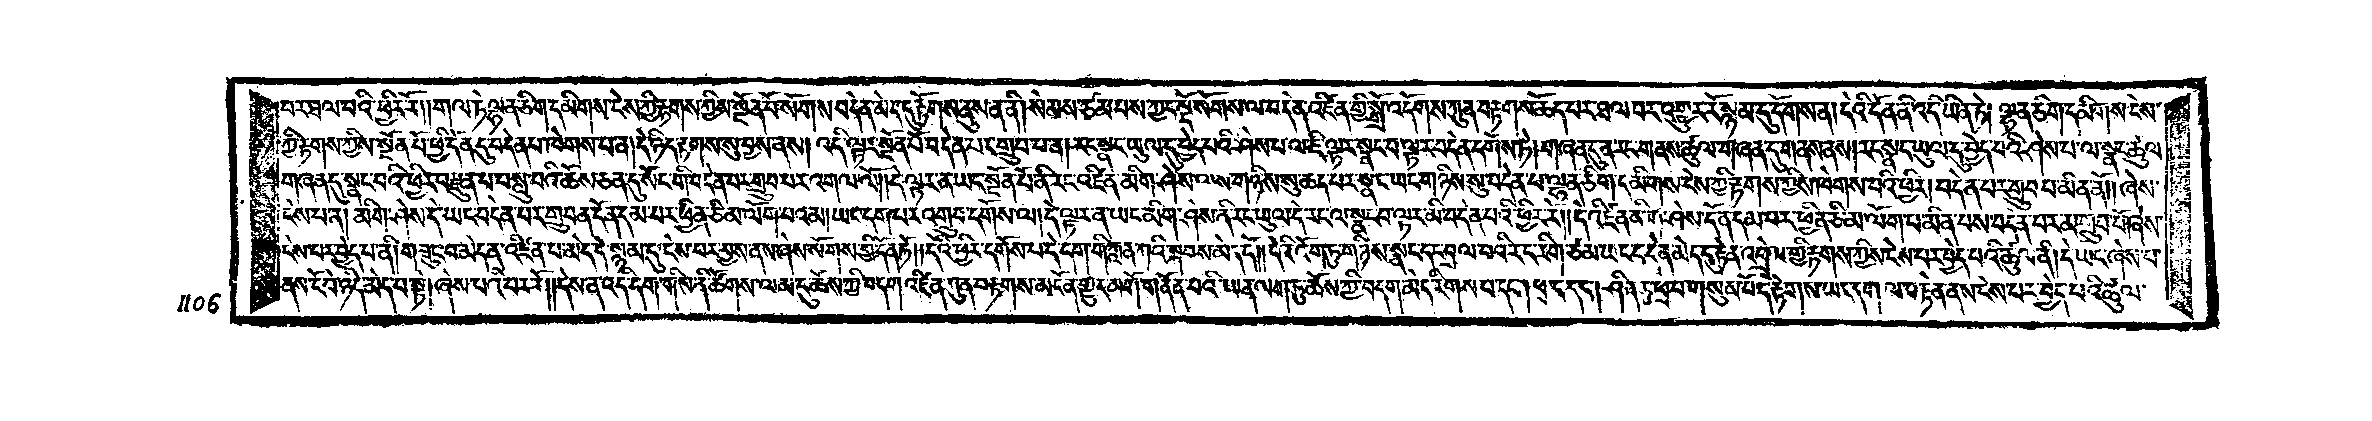བར་ཐལ་བའི་ཕྱིར་རོ། །གལ་ཏེ་ལྷན་ཅིག་དམིགས་ངེས་ཀྱི་རྟགས་ཀྱིས་སྔོན་པོ་སོགས་བདེན་མེད་དུ་རྟོགས་ནུས་ན་ནི། སེམས་ཙམ་པས་ཀྱང་སྔོ་སོགས་ལ་བདེན་འཛིན་གྱི་སྒྲོ་འདོགས་ཀུན་བརྟགས་ཆོད་པར་ཐལ་བར་འགྱུར་རོ་སྙམ་དུ་དོགས་ན། དེའི་དོན་ནི་འདི་ཡིན་ཏེ། ལྷན་ཅིག་དམིགས་ངེས་
ཀྱི་རྟགས་ཀྱིས་སྔོན་པོ་ཕྱི་དོན་དུ་བདེན་པ་ཁེགས་པ་ན། དེ་ཉིད་རྟགས་སུ་བྱས་ནས། འདི་ལྟར་སྔོན་པོ་བདེན་པར་གྲུབ་པ་ན། རང་སྣང་ཡུལ་དུ་བྱེད་པའི་ཤེས་པ་ལ་ཇི་ལྟར་སྣང་བ་ལྟར་བདེན་དགོས་ཏེ། གཞན་དུ་ན་རང་གནས་ཚུལ་གཞན་དུ་གནས་ནས། རང་སྣང་ཡུལ་དུ་བྱེད་པའི་ཤེས་པ་ལ་སྣང་ཚུལ་
གཞན་དུ་སྣང་བའི་ཕྱིར་བརྫུན་པ་བསླུ་བའི་ཆོས་ཅན་དུ་སོང་གི་བདེན་པར་གྲུབ་པར་འགལ་ལོ། །དེ་ལྟར་ན་ཡང་སྔོན་པོ་ནི་རང་འཛིན་མིག་ཤེས་ལས་གཉིས་སུ་ཆད་པར་སྣང་ཡང་གཉིས་སུ་བདེན་པ་ལྷན་ཅིག་དམིགས་ངེས་ཀྱི་རྟགས་ཀྱིས་ཁེགས་པའི་ཕྱིར། བདེན་པར་གྲུབ་པ་མིན་ནོ། །ཞེས་
ངེས་པ་ན། མིག་ཤེས་དེ་ཡང་བདེན་པར་གྲུབ་ན་དོན་དམ་པར་ཕྱིན་ཅི་མ་ལོག་པའམ། ཡང་དག་པར་འགྲུབ་དགོས་ལ། དེ་ལྟར་ན་ཡང་མིག་ཤེས་ནི་རང་ཡུལ་དེ་རང་ལ་སྣང་བ་ལྟར་མི་བདེན་པའི་ཕྱིར་རོ། །དེ་འཛིན་མིག་ཤེས་དོན་དམ་པར་ཕྱིན་ཅི་མ་ལོག་པ་མིན་པས་བདེན་པར་མ་གྲུབ་པོ། ཞེས་
ངེས་པར་བྱེད་པ་ནི། གཟུང་བ་མེད་ན་འཛིན་པ་མེད་དོ་སྙམ་དུ་ངེས་པར་བྱས་ནས་ཞེས་སོགས་ཀྱི་དོན་ཏོ། །དེའི་ཕྱིར་དགོས་པ་དེ་དག་གི་ཀླན་ཀའི་སྐབས་མེད་དོ། །དེའི་འོག་ཏུ་གཉིས་སྣང་དང་བྲལ་བའི་རང་རིག་ཙམ་ཡང་བདེན་མེད་དུ་རྟེན་འབྲེལ་གྱི་རྟགས་ཀྱིས་ངེས་པར་བྱེད་པའི་ཚུལ་ནི། དེ་ཡང་ཞེས་པ་
ནས་ངོ་བོ་ཉིད་མེད་པ་སྟེ། ཞེས་པའི་བར་རོ། །དེས་ན་འདི་དག་གིས་ནི་ཚོགས་ལམ་དུ་ཆོས་ཀྱི་བདག་འཛིན་ཀུན་བརྟགས་མངོན་གྱུར་མགོ་གནོན་པའི་ཡན་ལག་ཏུ་ཆོས་ཀྱི་བདག་མེད་རིགས་པ་དང་། ཕྲ་བ་དང་། ཤིན་ཏུ་ཕྲ་བ་གསུམ་པོ་དེ་རྟོགས་ཡང་དག་ལ་བརྟེན་ནས་ངེས་པར་བྱེད་པའི་ཚུལ་